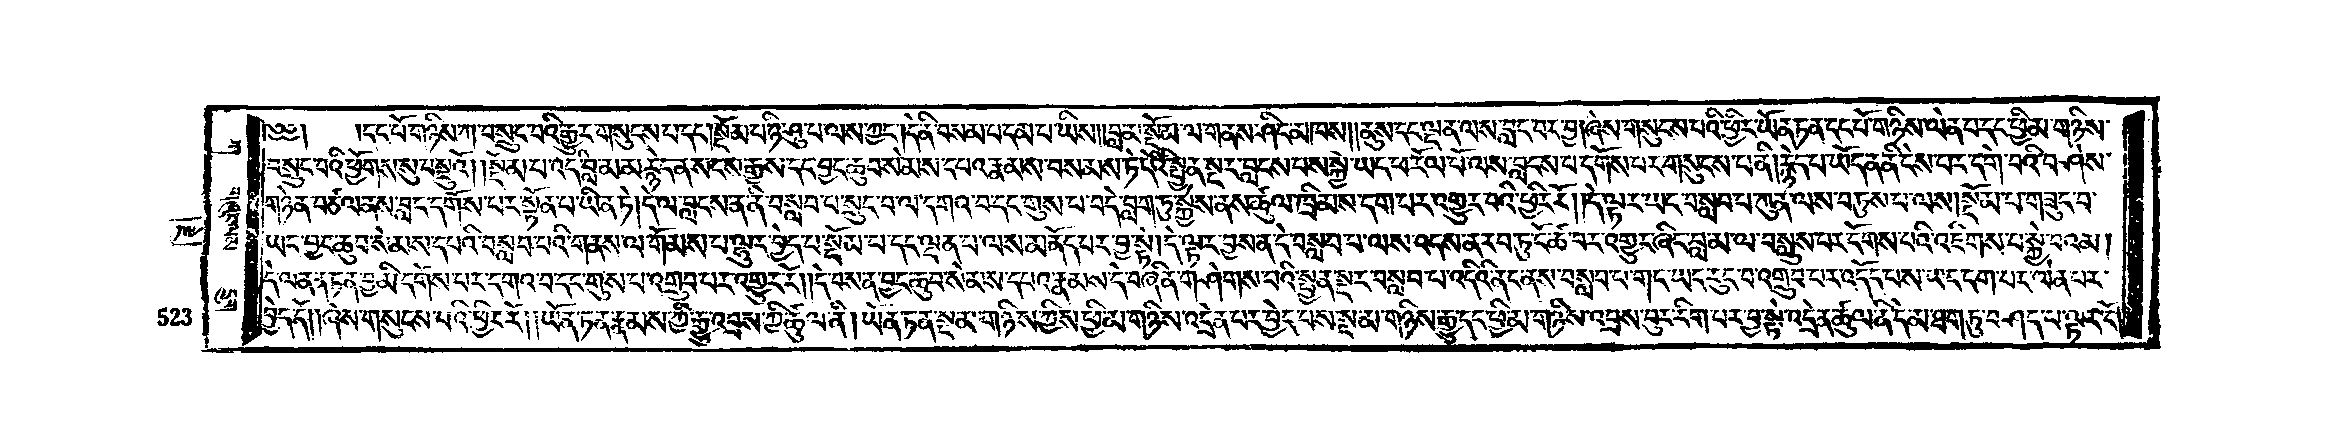༄༅། །དང་པོ་གཉིས་ཀ་བསྲུང་བའི་རྒྱུར་གསུངས་པ་དང་། སྡོམ་པ་ཉི་ཤུ་པ་ལས་ཀྱང་། དེ་ནི་བསམ་པ་དམ་པ་ཡིས། །བླ་མ་སྡོམ་ལ་གནས་ཤིང་མཁས། །ནུས་དང་ལྡན་ལས་བླང་བར་བྱ། ཞེས་གསུངས་པའི་ཕྱིར་ཡོན་ཏན་དང་པོ་གཉིས་ལེན་པ་དང་ཕྱི་མ་གཉིས་
བསྲུང་བའི་ཕྱོགས་སུ་བསྡུའོ། །སྡོམ་པ་འདི་བླ་མ་མ་རྙེད་ན་སངས་རྒྱས་དང་བྱང་ཆུབ་སེམས་དཔའ་རྣམས་བསམས་ཏེ་དེའི་སྤྱིན་སྔར་བླངས་པས་སྐྱེ་ཡང་ཕ་རོལ་པོ་ལས་བླངས་པ་དགོས་པར་གསུངས་པ་ནི། རྙེད་པ་ཡོད་ན་ནི་ངེས་པར་དགེ་བའི་བཤེས་
གཉེན་བཙལ་ནས་བླང་དགོས་པར་སྟོན་པ་ཡིན་ཏེ། དེ་ལ་བླངས་ན་ནི་བསླབ་པ་སྲུང་བ་ལ་དགའ་བ་དང་གུས་པ་བདེ་བླག་ཏུ་སྐྱེས་ནས་ཚུལ་ཁྲིམས་དག་པར་འགྱུར་བའི་ཕྱིར་རོ། །དེ་ལྟར་ཡང་བསླབ་པ་ཀུན་ལས་བཏུས་པ་ལས། སྡོམ་པ་གཟུང་བ་
ཡང་བྱང་ཆུབ་སེམས་དཔའི་བསླབ་པའི་གནས་ལ་གོམས་པ་ལྷུར་བྱེད་པ་སྡོམ་པ་དང་ལྡན་པ་ལས་མནོད་པར་བྱ་སྟེ། དེ་ལྟར་བྱས་ན་དེ་བསླབ་པ་ལས་འདས་ན་རབ་ཏུ་ངོ་ཚ་བར་འགྱུར་ཞིང་བླ་མ་ལ་བསླུས་པར་དོགས་པའི་འཇིགས་པ་སྐྱེ་བའམ།
དེ་ལ་ནན་ཏན་བྱ་མི་དགོས་པར་དགའ་བ་དང་གུས་པ་འགྲུབ་པར་འགྱུར་རོ། །དེ་བས་ན་བྱང་ཆུབ་སེམས་དཔའ་རྣམས་དེ་བཞིན་གཤེགས་པའི་སྤྱན་སྔར་བསླབ་པའི་འདིའི་ནང་ནས་བསླབ་པ་གང་ཡང་རུང་བ་འགྲུབ་པར་འདོད་པས་ཡང་དག་པར་ལེན་པར་
བྱེད་དོ། །ཞེས་གསུངས་པའི་ཕྱིར་རོ། །ཡོན་ཏན་རྣམས་ཀྱི་རྒྱུ་འབྲས་ཀྱི་ཚུལ་ནི། ཡོན་ཏན་སྔ་མ་གཉིས་ཀྱིས་ཕྱི་མ་གཉིས་འདྲེན་པར་བྱེད་པས་སྔ་མ་གཉིས་རྒྱུ་དང་ཕྱི་མ་གཉིས་འབྲས་བུར་རིག་པར་བྱ་སྟེ་འདྲེན་ཚུལ་ནི་དེ་མ་ཐག་ཏུ་བཤད་པ་ལྟར་ངོ།